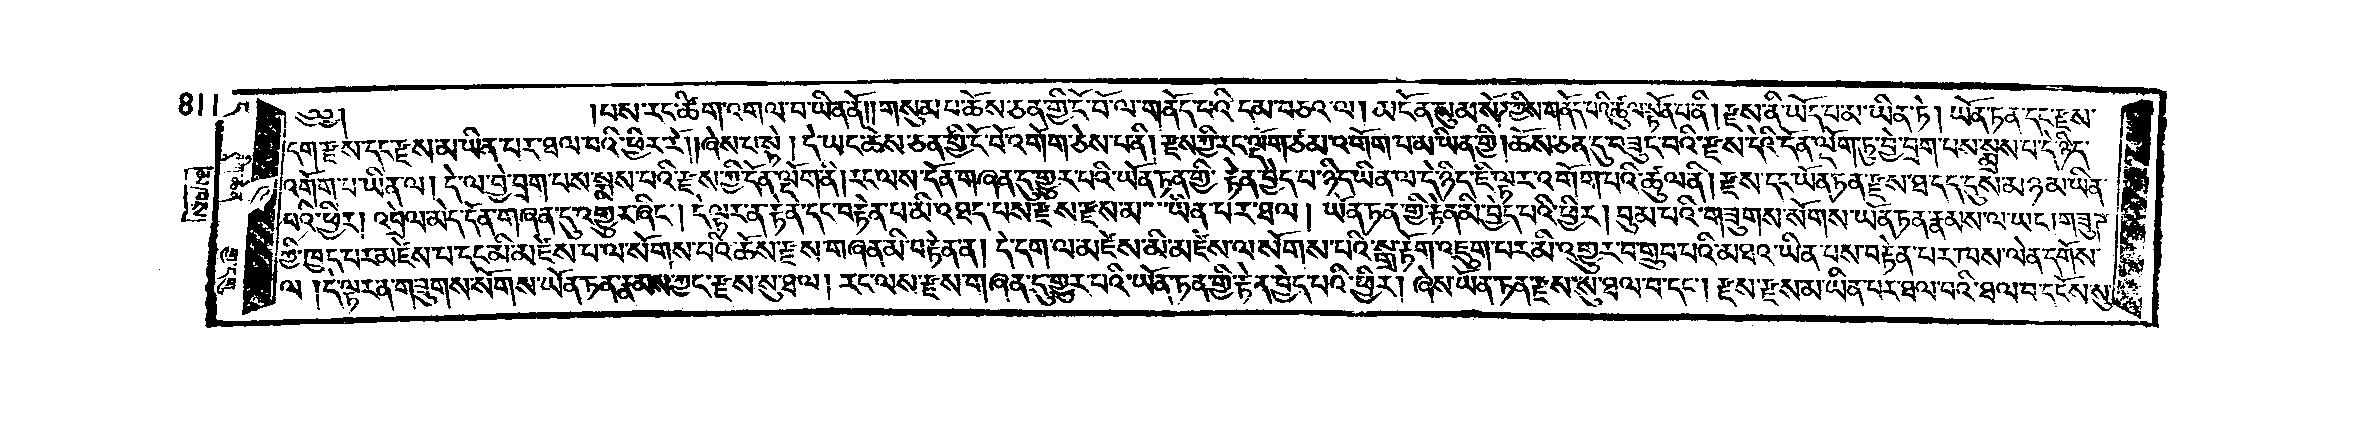༄༅། །པས་རང་ཚིག་འགལ་བ་ཡིན་ནོ། །གསུམ་པ་ཆོས་ཅན་གྱི་ངོ་བོ་ལ་གནོད་པའི་དམ་བཅའ་ལ། མངོན་སུམ་སོགས་ཀྱིས་གནོད་པའི་ཚུལ་སྟོན་པ་ནི། རྫས་ནི་ཡོད་པ་མ་ཡིན་ཏེ། ཡོན་ཏན་དང་རྫས་
དག་རྫས་དང་རྫས་མ་ཡིན་པར་ཐལ་བའི་ཕྱིར་རོ། །ཞེས་པ་སྟེ། དེ་ཡང་ཆོས་ཅན་གྱི་ངོ་བོ་འགོག་ཅེས་པ་ནི། རྫས་ཀྱི་རང་ལྡོག་ཙམ་འགོག་པ་མ་ཡིན་གྱི། ཆོས་ཅན་དུ་བཟུང་བའི་རྫས་དེའི་དོན་ལྡོག་ཏུ་བྱེ་བྲག་པས་སྨྲས་པ་དེ་ཉིད་
འགོག་པ་ཡིན་ལ། དེ་ལ་བྱེ་བྲག་པས་སྨྲས་པའི་རྫས་ཀྱི་དོན་ལྡོག་ནི། རང་ལས་དོན་གཞན་དུ་གྱུར་པའི་ཡོན་ཏན་གྱི་རྟེན་བྱེད་པ་ཉིད་ཡིན་ལ་དེ་ཉིད་ཇི་ལྟར་འགོག་པའི་ཚུལ་ནི། རྫས་དང་ཡོན་ཏན་རྫས་ཐ་དད་དུས་མཉམ་ཡིན་
པའི་ཕྱིར། འབྲེལ་མེད་དོན་གཞན་དུ་འགྱུར་ཞིང་། དེ་ལྟར་ན་རྟེན་དང་བརྟེན་པ་མི་འཐད་པས་རྫས་རྫས་མ་ཡིན་པར་ཐལ། ཡོན་ཏན་གྱི་རྟེན་མི་བྱེད་པའི་ཕྱིར། བུམ་པའི་གཟུགས་སོགས་ཡོན་ཏན་རྣམས་ལ་ཡང་། གཟུགས་
ཀྱི་ཁྱད་པར་མཛེས་པ་དང་མི་མཛེས་པ་ལ་སོགས་པའི་ཆོས་རྫས་གཞན་མི་བརྟེན་ན། དེ་དག་ལ་མཛེས་མི་མཛེས་ལ་སོགས་པའི་སྒྲ་རྟོག་འཇུག་པར་མི་འགྱུར་བ་གྲུབ་པའི་མཐའ་ཡིན་པས་བརྟེན་པར་ཁས་ལེན་དགོས་
ལ། དེ་ལྟར་ན་གཟུགས་སོགས་ཡོན་ཏན་རྣམས་ཀྱང་རྫས་སུ་ཐལ། རང་ལས་རྫས་གཞན་དུ་གྱུར་པའི་ཡོན་ཏན་གྱི་རྟེན་བྱེད་པའི་ཕྱིར། ཞེས་ཡོན་ཏན་རྫས་སུ་ཐལ་བ་དང་། རྫས་རྫས་མ་ཡིན་པར་ཐལ་བའི་ཐལ་བ་དངོས་སུ་